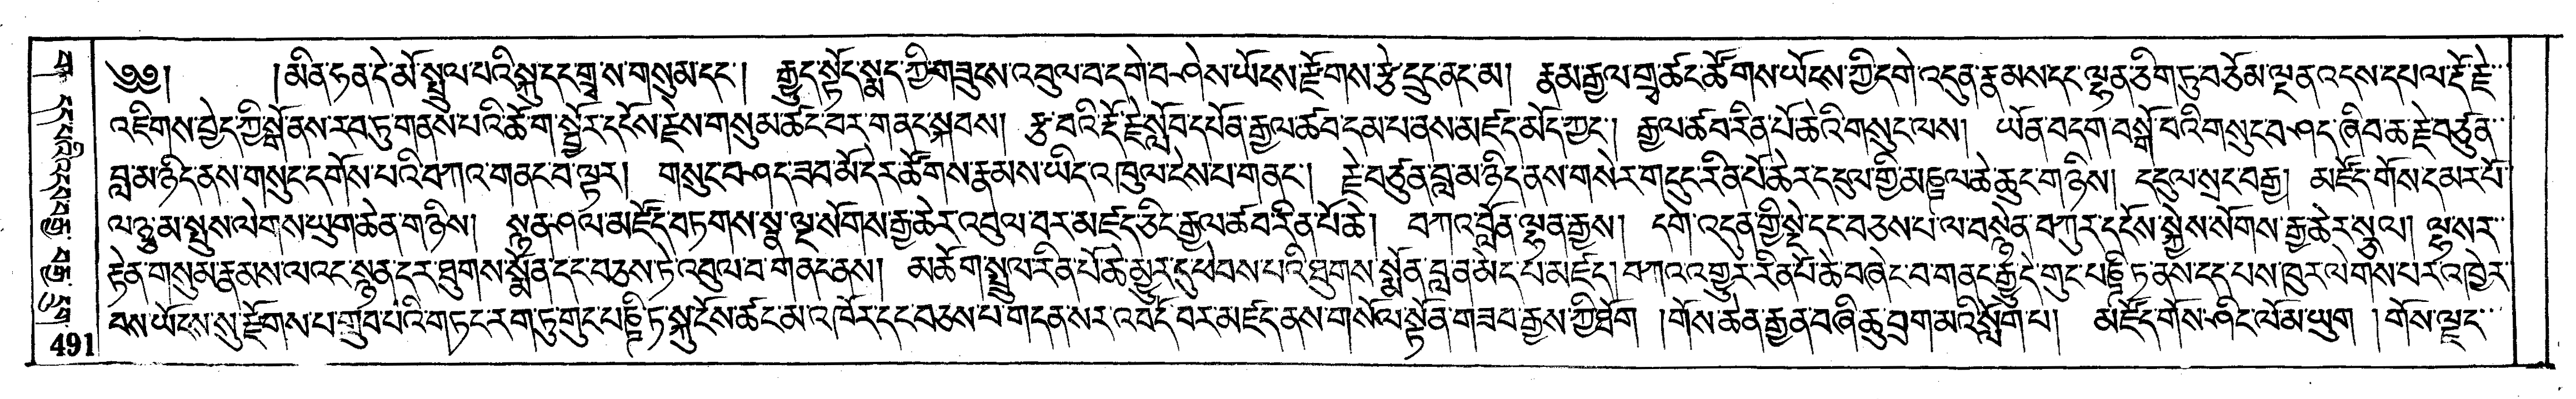༄༅། །མིན་ཧན་དེ་མོ་སྤྲུལ་པའི་སྐུ་དང་གྲྭ་ས་གསུམ་དང་། རྒྱུད་སྟོད་སྨད་ཀྱི་གཟུངས་འབུལ་བ་དགེ་བཤེས་ཡོངས་རྫོགས་རྩེ་དྲུང་ནང་མ། རྣམ་རྒྱལ་གྲྭ་ཚང་ཚོགས་ཡོངས་ཀྱི་དགེ་འདུན་རྣམས་དང་ལྷན་ཅིག་ཏུ་བཅོམ་ལྡན་འདས་དཔལ་རྡོ་རྗེ་
འཇིགས་བྱེད་ཀྱི་སྒོ་ནས་རབ་ཏུ་གནས་པའི་ཆོ་ག་སྦྱོར་དངོས་རྗེས་གསུམ་ཚང་བར་གནང་སྐབས། རྩ་བའི་རྡོ་རྗེ་སློབ་དཔོན་རྒྱལ་ཚབ་དམ་པ་ནས་མཛད་མོད་ཀྱང་། རྒྱལ་ཚབ་རིན་པོ་ཆེའི་གསུང་ལས། ཡོན་བདག་བསྒོ་བའི་གསུང་བཤད་ཞིབ་ཆ་རྗེ་བཙུན་
བླ་མ་ཉིད་ནས་གསུང་དགོས་པའི་བཀའ་གནང་བ་ལྟར། གསུང་བཤད་ཟབ་མོ་དེར་ཚོགས་རྣམས་ཡིད་འཁྲུལ་ངེས་པ་གནང་། རྗེ་བཙུན་བླ་མ་ཉིད་ནས་གསེར་གདུང་རིན་པོ་ཆེར་དངུལ་གྱི་མཎྜལ་ཆེ་ཆུང་གཉིས། དངུལ་སྲང་བརྒྱ། མཛོད་གོས་དམར་པོ་
ལ་ཉྩ་མ་སྤུས་ལེགས་ཡུག་ཆེན་གཉིས། སྙན་ཤལ་མཛོད་བཏགས་སྣ་ལྔ་སོགས་རྒྱ་ཆེར་འབུལ་བར་མཛད་ཅིང་རྒྱལ་ཚབ་རིན་པོ་ཆེ། བཀའ་བློན་ལྷན་རྒྱས། དགེ་འདུན་གྱི་སྡེ་དང་བཅས་པ་ལ་བསྙེན་བཀུར་དངོས་སྐྱེས་སོགས་རྒྱ་ཆེར་སྩལ། ལྷ་སར་
རྟེན་གསུམ་རྣམས་ལའང་སྙན་དར་ཐུགས་སྨོན་དང་བཅས་ཏེ་འབུལ་བ་གནང་ནས། མཆོག་སྤྲུལ་རིན་པོ་ཆེ་མྱུར་དུ་ཕེབས་པའི་ཐུགས་སྨོན་བླ་ན་མེད་པ་མཛད། བཀའ་འགྱུར་རིན་པོ་ཆེ་བཞེང་བ་གནང་རྒྱུ་དེ་གུང་པཎྜི་ཏ་ནས་དང་པས་ཁུར་ལེགས་པར་འཁྱེར་
བས་ཡོངས་སུ་རྫོགས་པ་གྲུབ་པའི་གཏང་རག་ཏུ་གུང་པཎྜི་ཏ་སྐུ་ངོས་ཚང་མ་འཁོར་དང་བཅས་པ་གདན་སར་འབོད་པར་མཛད་ནས་གསོལ་སྟོན་གཟབ་རྒྱས་ཀྱི་ཐོག །གོས་ཆེན་རྒྱན་བཞི་ཆུ་བྲག་མའི་སློག་པ། མཛོད་གོས་ཤིང་ལོ་མ་ཡུག །གོས་ལྗང་